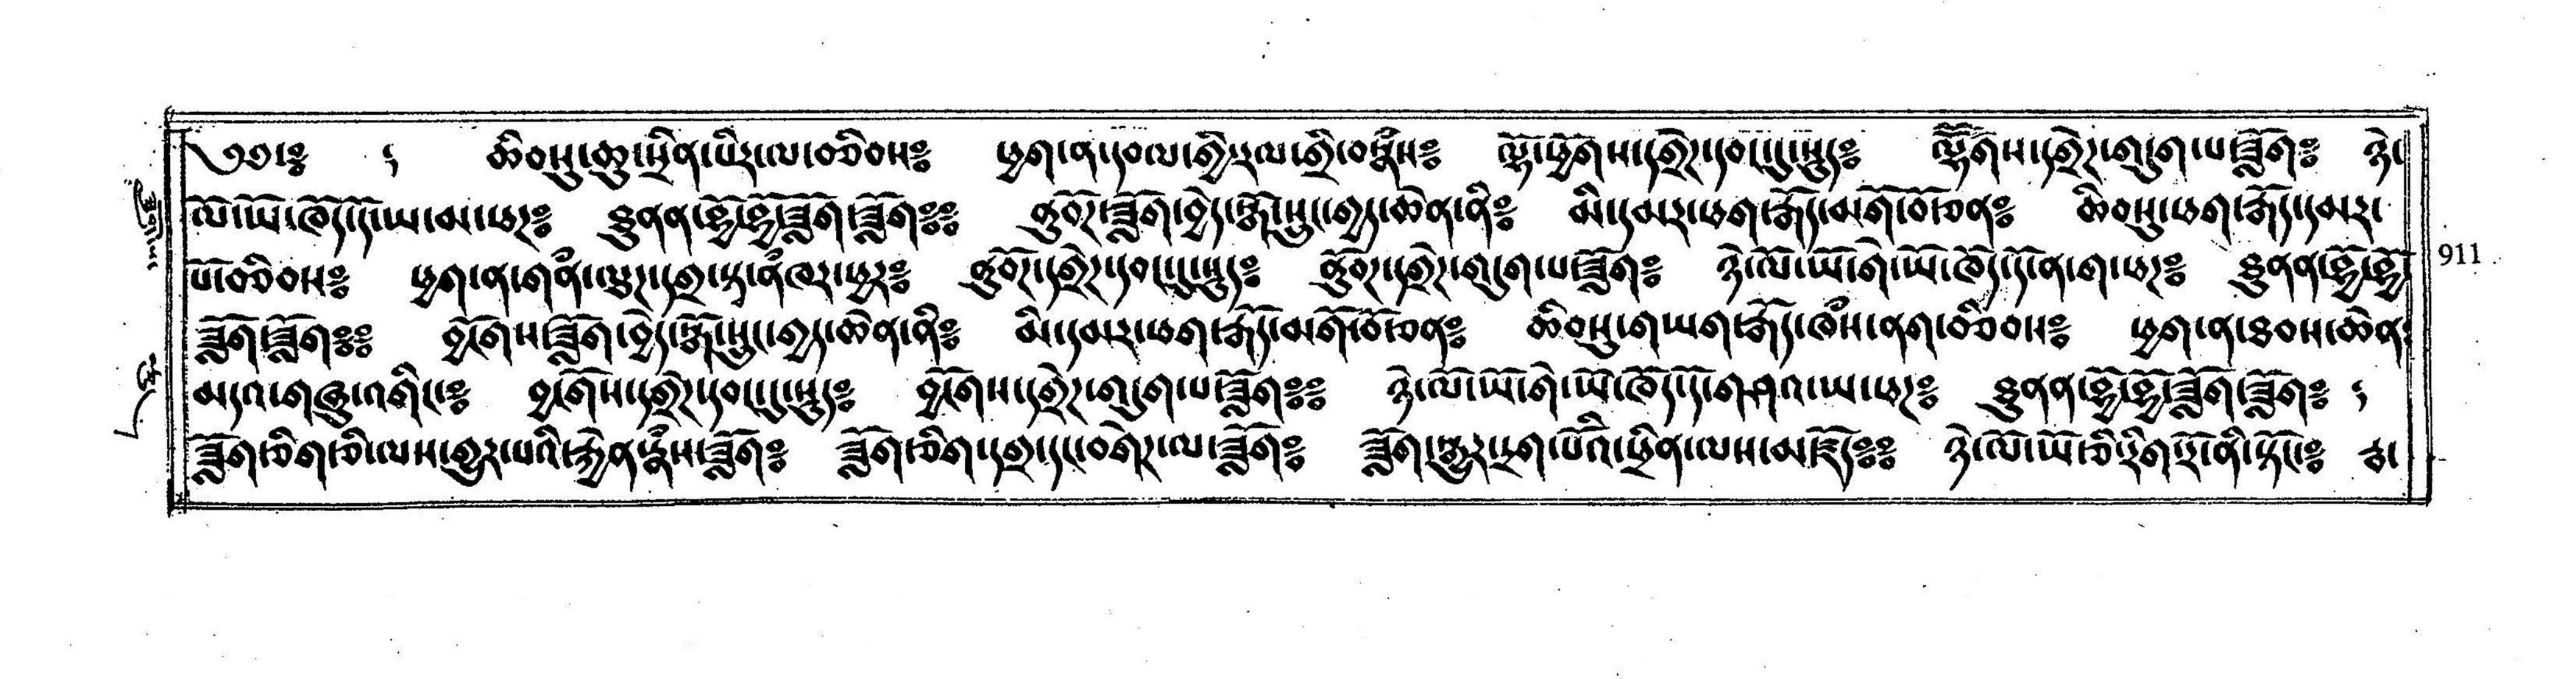ཆིབས་སུ་ཆུ་སྲིན་པིར་ལ་བཅིབས༔ ཕྱག་ན་དབལ་གྱི་རལ་གྲི་བསྣམས༔ ལྷོ་ཕྱོགས་དགྲ་བགེགས་དབང་དུ་སྡུད༔ ལྷ་ཚོགས་དགྲ་བགེགས་གདུག་པ་ཟློག༔ ཉེ་
ལོ་ཡོ་ཁོད་དོ་ཡ་མ་ཕཊ༔ ཐུན་ཐུན་བྷྱོ་བྷྱོ་ཟློག་ཟློག༔༔ ནུབ་ཕྱོགས་ཟློག་བྱེད་སྒོ་སྲུང་གྱད་ཆེན་ནི༔ མི་དམར་ཕག་རྒོད་མགོ་བོ་ཅན༔ ཆིབས་སུ་ཕག་རྒོད་དམར་
པོ་བཅིབས༔ ཕྱག་ན་གནམ་ལྕགས་སྒྲ་སྟྭ་ནམ་མཁར་ཕྱར༔ ནུབ་ཕྱོགས་དགྲ་བགེགས་དབང་དུ་སྡུད༔ ནུབ་ཕྱོགས་དགྲ་བགེགས་གདུག་པ་ཟློག༔ ཉེ་ལོ་ཡོ་གེ་ཡོ་ཁོད་དོ་ན་ག་ཕཊ༔ ཐུན་ཐུན་བྷྱོ་བྷྱོ་
ཟློག་ཟློག༔༔ བྱང་ཕྱོགས་ཟློག་བྱེད་སྒོ་སྲུང་གྱད་ཆེན་ནི༔ མི་དམར་ཕག་རྒོད་མགོ་བོ་ཅན༔ ཆིབས་སུ་གཡག་རྒོད་ཁམས་ནག་བཅིབས༔ ཕྱག་ན་ཐབས་ཆེན་
མདའ་གཞུ་འགིང་༔ བྱང་ཕྱོགས་དགྲ་བགེགས་དབང་དུ་སྡུད༔ བྱང་ཕྱོགས་དགྲ་བགེགས་གདུག་པ་ཟློག༔༔ ཉེ་ལོ་ཡོ་གེ་ཡོ་ཁོད་དོ་གཤའ་ཡ་ཕཊ༔ ཐུན་ཐུན་བྷྱོ་བྷྱོ་ཟློག་ཟློག༔ 
ཟློག་ཅིག་ཅི་ལས་གྱུར་པའི་རྐྱེན་རྣམས་ཟློག༔ ཟློག་ཅིག་དགྲ་དང་བགེགས་ལ་ཟློག༔ ཟློག་སྒྱུར་དྲག་པོའི་ཕྲིན་ལས་མཛོད༔ ཉེ་ལོ་ཡོ་ཅི་རིག་རོ་ནི་སྟོང་༔ རྦ་